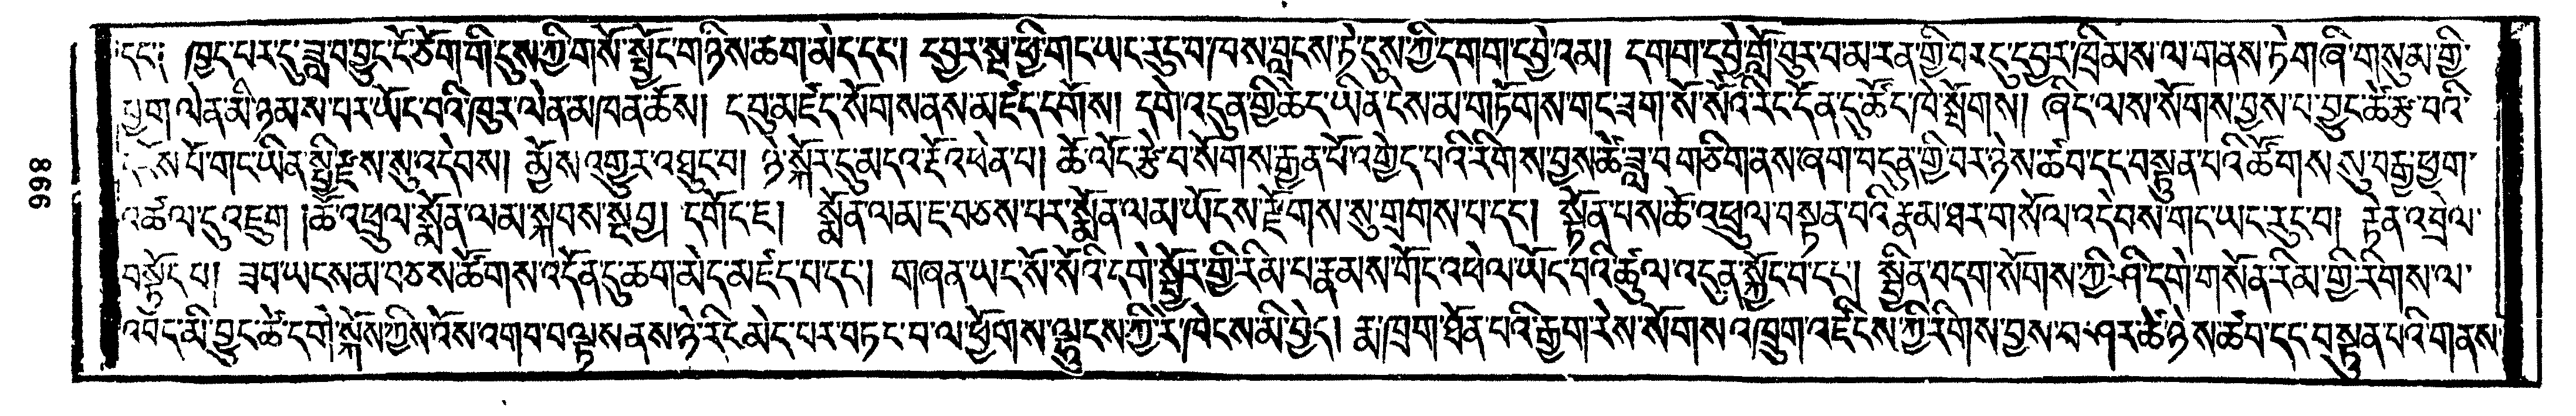དང༑ ཁྱད་པར་དུ་ཟླ་བ་བྱུང་ངོ་ཅོག་གི་དུས་ཀྱི་གསོ་སྤྱོང་གཉིས་ཆག་མེད་དང་། དབྱར་སྔ་ཕྱི་གང་ཡང་རུང་བ་ཁས་བླངས་ཏེ་དུས་ཀྱི་དགག་དབྱེའམ། དགག་དབྱེ་གློ་བུར་བ་མ་རན་གྱི་བར་དུ་དབྱར་ཁྲིམས་ལ་གནས་ཏེ་གཞི་གསུམ་གྱི་
ཕྱག་ལེན་མི་ཉམས་པར་ཡོངས་པའི་ཁུར་ལེན་མཁན་ཆོས། དབུ་མཛད་སོགས་ནས་མཛད་དགོས། དགེ་འདུན་གྱི་ཆེད་ཡིན་ངེས་མ་གཏོགས་གང་ཟག་སོ་སོའི་རང་དོན་དུ་ཚོང་ཁེ་སྤོགས། ཞིང་ལས་སོགས་བྱས་པ་བྱུང་ཚེ་རྩ་བའི་
དངོས་པོ་གང་ཡིན་སྤྱི་རྫས་སུ་འདེབས། མྱོས་འགྱུར་འཐུང་བ། ཉེ་སྐོར་དུ་མདའ་རྡོ་འཕེན་པ། ཆོ་ལོང་རྩེ་བ་སོགས་རྒྱན་པོ་འགྱེད་པའི་རིགས་བྱས་ཚེ་ཟླ་བ་གཅིག་ནས་ཞག་བདུན་གྱི་བར་ཉེས་ཚབ་དང་བསྟུན་པའི་ཚོགས་སུ་བརྒྱ་ཕྱག་
འཚལ་དུ་འཇུག །ཆོ་འཕྲུལ་སྨོན་ལམ་སྐབས་སྔ་བྱ། དགོང་ཇ། སྨོན་ལམ་ཇ་བཅས་པར་སྨོན་ལམ་ཡོངས་རྫོགས་སུ་གྲགས་པ་དང་། སྟོན་པས་ཆོ་འཕྲུལ་བསྟན་པའི་རྣམ་ཐར་གསོལ་འདེབས་གང་ཡང་རུང་བ། རྟེན་འབྲེལ་
བསྟོད་པ། ཟབ་ཡངས་མ་བཅས་ཚོགས་འདོན་དུ་ཆག་མེད་མཛད་པ་དང་། གཞན་ཡང་སོ་སོའི་དགེ་སྦྱོར་གྱི་རིམ་པ་རྣམས་གོང་འཕེལ་ཡོད་པའི་ཚུལ་འདུན་སྐྱོང་བ་དང་། སྦྱིན་བདག་སོགས་ཀྱི་ཤི་དགེ་གསོན་རིམ་གྱི་རིགས་ལ་
འབོད་མི་བྱུང་ཚེ་དགེ་སྐོས་ཀྱིས་འོས་འགབ་བལྟས་ནས་ཉེ་རིང་མེད་པར་བཏང་བ་ལ་ཕྱོགས་ལྷུངས་ཀྱི་རེ་ཁེང་ས་མི་བྱེད། རྨ་ཁྲག་ཐོན་པའི་རྒྱག་རེས་སོགས་འཁྲུག་འཛིན་ཀྱི་རིགས་བྱས་བཤར་ཚེ་ཉེས་ཚབ་དང་བསྟུན་པའི་གནས་